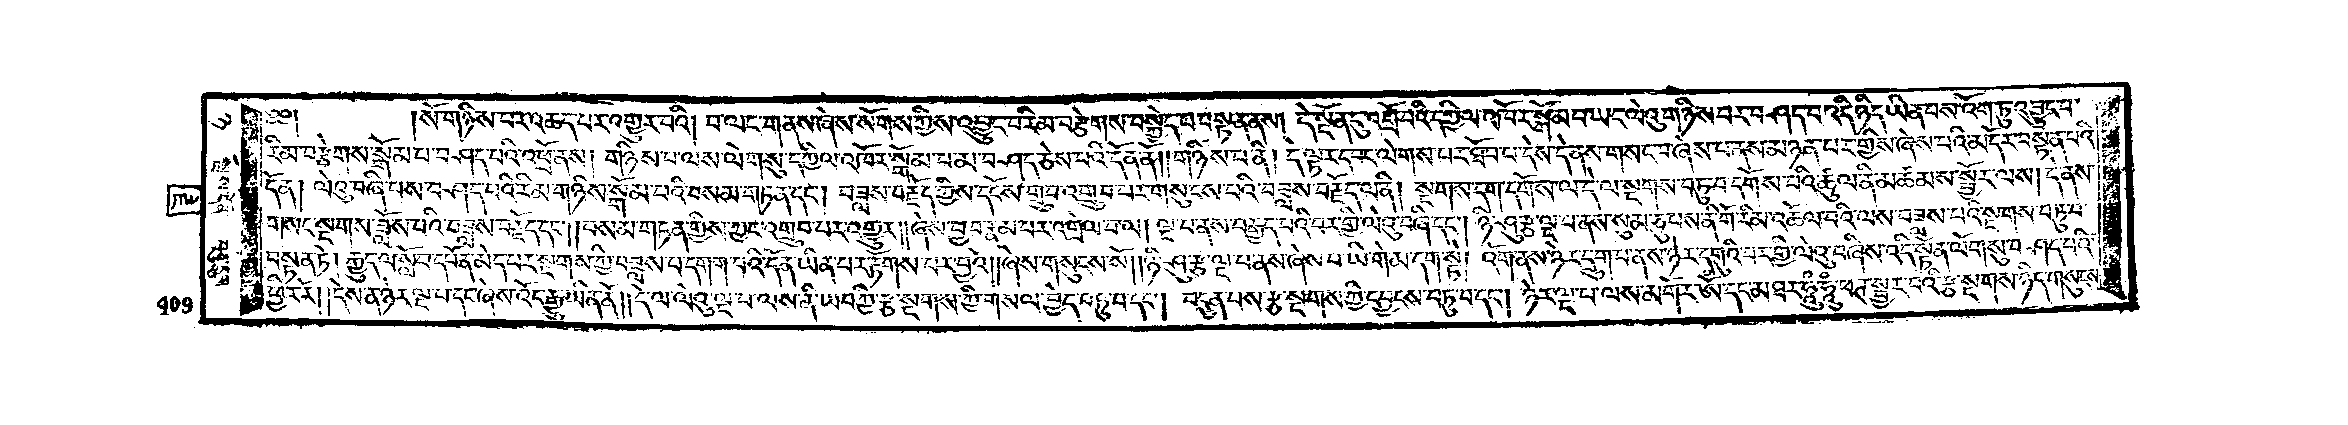༄༅། །སོ་གཉིས་པར་འཆད་པར་འགྱུར་བའི། བ་ལང་གནས་ཞེས་སོགས་ཀྱིས་འབྱུང་བ་རིམ་བརྩེགས་བསྐྱེད་པ་བསྟན་ནས། དེ་སྔོན་དུ་འགྲོ་བའི་དཀྱིལ་འཁོར་སྒོམ་པ་ཡང་ལེའུ་གཉིས་པར་བཤད་པ་འདི་ཉིད་ཡིན་པས་འོག་ཏུ་འབྱུང་བ་
རིམ་བརྩེགས་སྒོམ་པ་བཤད་པའི་འཕྲོ་ནས། གཉིས་པ་ལས་ལེགས་སུ་དཀྱིལ་འཁོར་སྒོམ་པ་མ་བཤད་ཅེས་པའི་དོན་ནོ། །གཉིས་པ་ནི། དེ་ལྟར་དབང་ལེགས་པར་ཐོབ་པ་དེས་དེ་ནས་གསང་བ་ཞེས་པ་ནས་མཉན་པར་གྱིས་ཞེས་པའི་མདོར་བསྟན་པའི་
དོན། ལེའུ་བཞི་པས་བཤད་པའི་རིམ་གཉིས་སྒོམ་པའི་བསམ་གཏན་དང་། བཟླས་བརྗོད་ཀྱིས་དངོས་གྲུབ་འགྲུབ་པར་གསུངས་པའི་བཟླས་བརྗོད་ལ་ནི། སྔགས་དག་དགོས་ལ་དེ་ལ་སྔགས་བཏུ་བ་དགོས་པའི་ཚུལ་ནི་མཚམས་སྦྱོར་ལས། དེ་ནས་
གསང་སྔགས་ཟློས་པའི་བཟླས་བརྗོད་དང་། །བསམ་གཏན་གྱིས་ཀྱང་འགྲུབ་པར་འགྱུར། །ཞེས་བྱ་བ་རྣམ་པར་འགྲེལ་བ་ལ། ལྔ་པ་ནས་བརྒྱད་པའི་བར་གྱི་ལེའུ་བཞི་དང་། ཉི་ཤུ་རྩ་ལྔ་པ་ནས་སུམ་ཅུ་པས་ནི་གོ་རིམ་འཆོལ་བའི་ལས་བཟླས་པའི་སྔགས་བཏུ་བ་
བསྟན་ཏེ། རྒྱུད་ལ་སློབ་དཔོན་མེད་པར་སྔགས་ཀྱི་བཟླས་པ་དགག་པའི་དོན་ཡིན་པར་རྟོགས་པར་བྱའོ། །ཞེས་གསུངས་སོ། །ཉི་ཤུ་རྩ་ལྔ་པ་ནས་ཞེས་པ་ཡི་གེ་མ་དག་སྟེ། འོག་ནས་ཉེར་དྲུག་པ་ནས་ཉེར་དགུའི་བར་གྱི་ལེའུ་བཞིས་འདི་སྟོན་ལོགས་སུ་བཤད་པའི་
ཕྱིར་རོ། །དེས་ན་ཉེར་ལྔ་པ་དང་ཞེས་འོང་རྒྱུ་ཡིན་ནོ། །དེ་ལ་ལེའུ་ལྔ་པ་ལས་ནི་ཡབ་ཀྱི་རྩ་སྔགས་ཀྱི་གསལ་བྱེད་བཏུ་བ་དང་། བདུན་པས་རྩ་སྔགས་ཀྱི་དབྱངས་བཏུ་བ་དང་། ཉེར་ལྔ་པ་ལས་མགོར་ཨོཾ་དང་མཐར་ཧཱུཾ་ཧཱུཾ་ཕཊ་སྦྱར་བའི་རྩ་སྔགས་ཉིད་གསུངས་